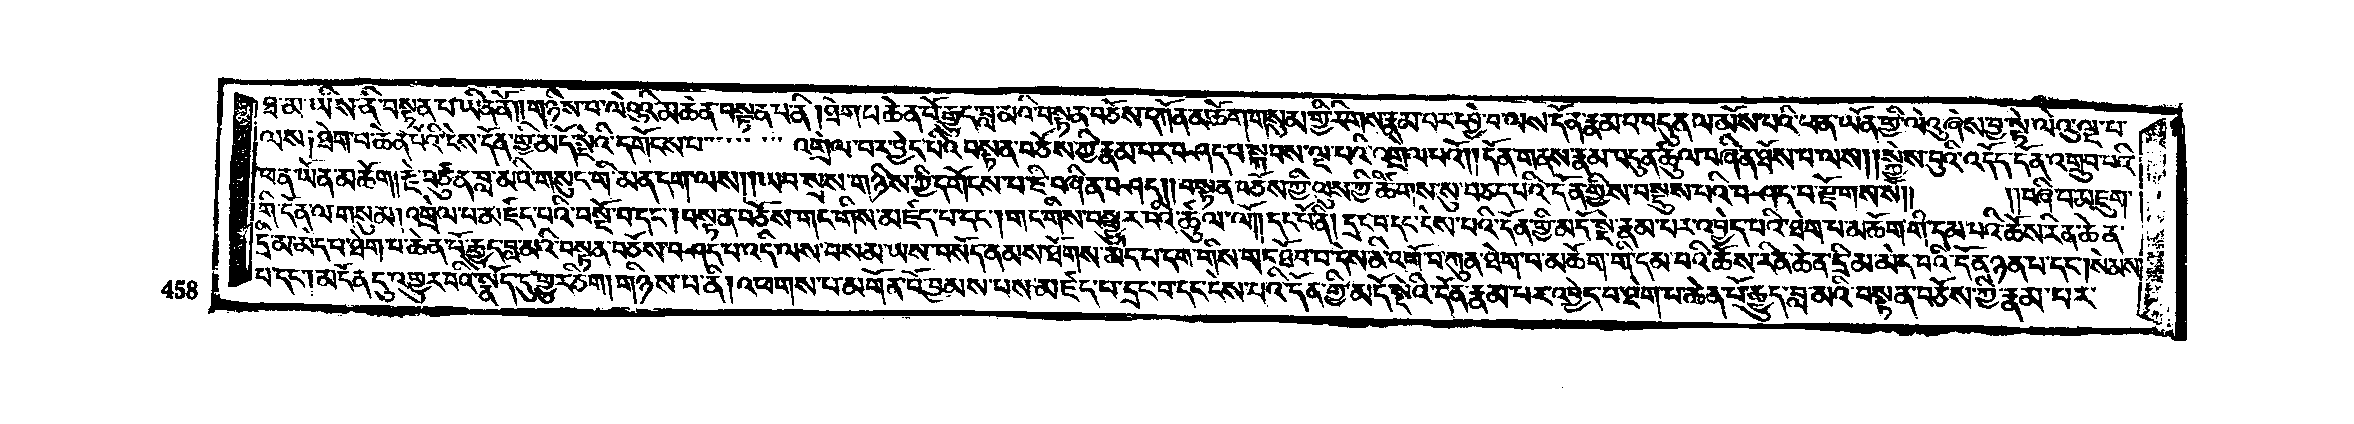ཐ་མ་ཡིས་ནི་བསྟན་པ་ཡིན་ནོ། །གཉིས་པ་ལེའུའི་མཚན་བསྟན་པ་ནི། ཐེག་པ་ཆེན་པོ་རྒྱུད་བླ་མའི་བསྟན་བཅོས་དཀོན་མཆོག་གསུམ་གྱི་རིགས་རྣམ་པར་དབྱེ་བ་ལས་དོན་རྣམ་པ་བདུན་ལ་མོས་པའི་ཕན་ཡོན་གྱི་ལེའུ་ཞེས་བྱ་སྟེ་ལེའུ་ལྔ་པ་
ལས༑ ཐེག་པ་ཆེན་པོའི་ངེས་དོན་གྱི་མདོ་སྡེའི་དགོངས་པ་འགྲེལ་པར་བྱེད་པའི་བསྟན་བཅོས་ཀྱི་རྣམ་པར་བཤད་པ་སྐབས་ལྔ་པའི་འགྲེལ་པའོ། །དོན་གནས་རྣམ་བདུན་ཚུལ་བཞིན་ཐོས་པ་ལས། །སྐྱེས་བུའི་འདོད་དོན་འགྲུབ་པའི་
ཕན་ཡོན་མཆོག །རྗེ་བཙུན་བླ་མའི་གསུང་གི་མན་ངག་ལས། ཡབ་སྲས་གཉིས་དགོངས་པ་ཇི་བཞིན་བཤད། །བསྟན་བཅོས་ཀྱི་ལུས་ཀྱི་ཚིགས་སུ་བཅད་པའི་དོན་གྱིས་བསྡུས་པའི་བཤད་པ་རྫོགས་སོ།། །།བཞི་པ་འཇུག་
གི་དོན་ལ་གསུམ། འགྲེལ་པ་མཛད་པའི་བསྔོ་བ་དང་། བསྟན་བཅོས་གང་གིས་མཛད་པ་དང་། གང་གིས་བསྒྱུར་པའི་ཚུལ་ལོ། །དང་པོ་ནི། དྲང་བ་དང་ངེས་པའི་དོན་གྱི་མདོ་སྡེ་རྣམ་པར་འབྱེད་པའི་ཐེག་པ་མཆོག་གི་དམ་པའི་ཆོས་རིན་ཆེན་
དྲི་མ་མེད་པ་ཐེག་པ་ཆེན་པོ་རྒྱུད་བླ་མའི་བསྟན་བཅོས་བཤད་པ་འདི་ལས་བསམ་ཡས་བསོད་ནམས་ཐོགས་མེད་པ་དག་གིས་གང་ཐོབ་པ་དེས་ནི་འགྲོ་བ་ཀུན་ཐེག་པ་མཆོག་གི་དམ་པའི་ཆོས་རིན་ཆེན་དྲི་མ་མེད་པའི་དོན་ཉན་པ་དང་། སེམས་
པ་དང་། མངོན་དུ་འགྱུར་བའི་སྣོད་དུ་གྱུར་ཅིག །གཉིས་པ་ནི་འཕགས་པ་མགོན་པོ་བྱམས་པས་མཛད་པ་དྲང་བ་དང་ངེས་པའི་དོན་གྱི་མདོ་སྡེའི་དོན་རྣམ་པར་འབྱེད་པ་ཐེག་པ་ཆེན་པོ་རྒྱུད་བླ་མའི་བསྟན་བཅོས་ཀྱི་རྣ་པར་